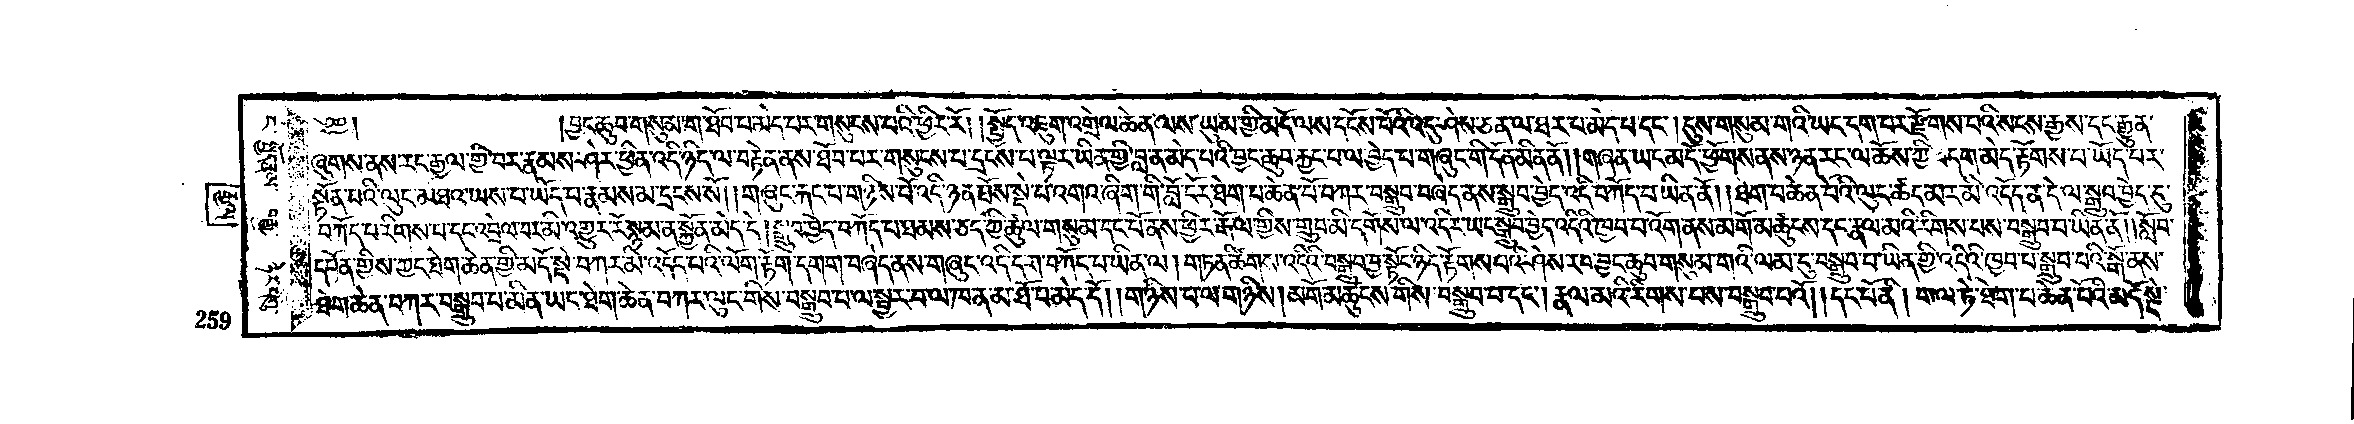༄༅། །བྱང་ཆུབ་གསུམ་ག་ཐོབ་པ་མེད་པར་གསུངས་པའི་ཕྱིར་རོ། །སྤྱོད་འཇུག་འགྲེལ་ཆེན་ལས་ཡུམ་གྱི་མདོ་ལས་དངོས་པོའི་འདུ་ཤེས་ཅན་ལ་ཐར་པ་མེད་པ་དང་། དུས་གསུམ་གའི་ཡང་དག་པར་རྫོགས་པའི་སངས་རྒྱས་དང་རྒྱུན་
ཞུགས་ནས་རང་རྒྱལ་གྱི་བར་རྣམས་ཤེར་ཕྱིར་འདི་ཉིད་ལ་བརྟེན་ནས་ཐོབ་པར་གསུངས་པ་དྲངས་པ་ལྟར་ཡིན་གྱི་བླ་ན་མེད་པའི་བྱང་ཆུབ་རྐྱང་པ་ལ་བྱེད་པ་གཞུང་གི་དོན་མིན་ནོ། །གཞན་ཡང་མདོ་ཕྱོགས་ནས་ཉན་རང་ལ་ཆོས་ཀྱི་བདག་མེད་རྟོགས་པ་ཡོད་པར་
སྟོན་པའི་ལུང་མཐའ་ཡས་པ་ཡོད་པ་རྣམས་མ་དྲངས་སོ། །གཞུང་རྐང་པ་གཉིས་པོ་འདི་ཉན་ཐོས་སྡེ་པ་འགའ་ཞིག་གི་བློ་ངོར་ཐེག་པ་ཆེན་པོ་བཀར་བསྒྲུབ་བཞེད་ནས་སྒྲུབ་བྱེད་འདི་བཀོད་པ་ཡིན་ནོ། །ཐེག་པ་ཆེན་པའི་ལུང་ཚད་མར་མི་འདོད་ན་དེ་ལ་སྒྲུབ་བྱེད་དུ་
བཀོད་པ་རིགས་པ་དང་འབྲེལ་བར་མི་འགྱུར་རོ་སྙམ་ན་སྐྱོན་མེད་དེ། སྒྲུབ་བྱེད་བཀོད་པ་ཐམས་ཅད་ཀྱི་ཚུལ་གསུམ་དང་པོ་ནས་ཕྱིར་རྒོལ་གྱིས་གྲུབ་མི་དགོས་ལ་འདིར་ཡང་སྒྱུར་བྱེད་འདིའི་ཁྱབ་པ་འོག་ནས་མགོ་མཚུངས་དང་རྣལ་མའི་རིགས་པས་བསྒྲུབ་པ་ཡིན་ནོ། །སློབ་
དཔོན་གྱིས་ཀྱང་ཐེག་ཆེན་གྱི་མདོ་སྡེ་བཀར་མི་འདོད་པའི་ལོག་རྟོག་དགག་བཞེད་ནས་གཞུང་འདི་དག་བཀོད་པ་ཡིན་ལ། གཏན་ཚིགས་འདིའི་བསྒྲུབ་བྱ་སྟོང་ཉིད་རྟོགས་པའི་ཤེས་རབ་བྱང་ཆུབ་གསུམ་གའི་ལམ་དུ་བསྒྲུབ་པ་ཡིན་གྱི་འདིའི་ཁྱབ་པ་སྒྲུབ་པའི་སྒོ་ནས་
ཐེག་ཆེན་བཀར་བསྒྲུབ་པ་མིན་ཡང་ཐེག་ཆེན་བཀར་ལུང་གིས་བསྒྲུབ་པ་ལ་སྦྱར་བ་ལ་ཁ་ན་མ་ཐོ་བ་མེད་དོ། །གཉིས་པ་ལ་གཉིས། མགོ་མཚུངས་གིས་བསྒྲུབ་པ་དང་། རྣལ་མའི་རིགས་པས་བསྒྲུབ་པའོ། །དང་པོ་ནི། གལ་ཏེ་ཐེག་པ་ཆེན་པོའི་མདོ་སྡེ་